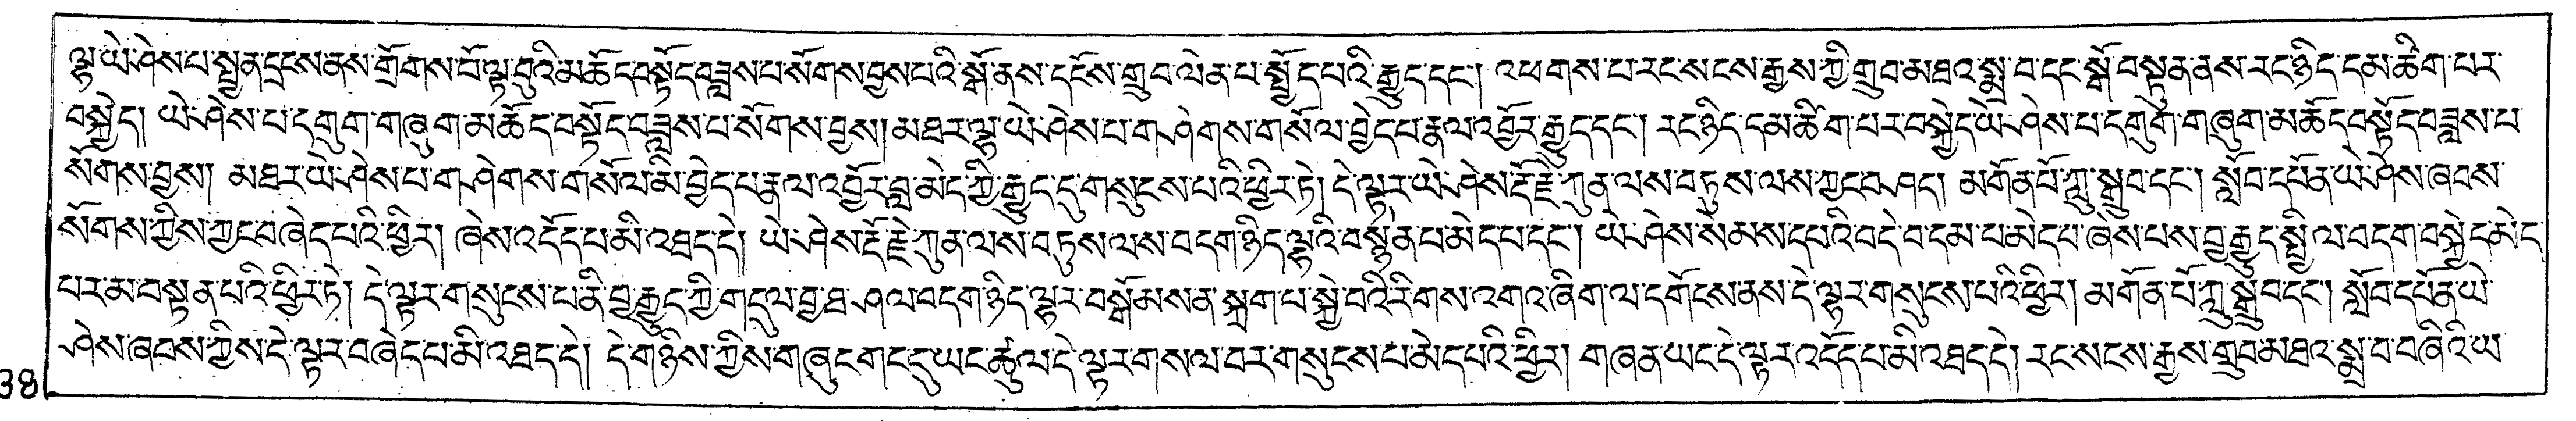ལྷ་ཡེ་ཤེས་པ་སྤྱན་དྲངས་ནས་གྲོགས་པོ་ལྟ་བུའི་མཆོད་བསྟོད་བཟླས་པ་སོགས་བྱས་པའི་སྒོ་ནས་དངོས་གྲུབ་ལེན་པ་སྤྱོད་པའི་རྒྱུད་དང་། འཕགས་པ་རང་སངས་རྒྱས་ཀྱི་གྲུབ་མཐའ་སྨྲ་བ་དང་སྒོ་བསྟུན་ནས་རང་ཉིད་དམ་ཚིག་པར་
བསྐྱེད། ཡེ་ཤེས་པ་དགུག་གཞུག་མཆོད་བསྟོད་བཟླས་པ་སོགས་བྱས། མཐར་ལྷ་ཡེ་ཤེས་པ་གཤེགས་གསོལ་བྱེད་པ་རྣལ་འབྱོར་རྒྱུད་དང་། རང་ཉིད་དམ་ཚིག་པར་བསྐྱེད་ཡེ་ཤེས་པ་དགུག་གཞུག་མཆོད་བསྟོད་བཟླས་པ་
སོགས་བྱས། མཐར་ཡེ་ཤེས་པ་གཤེགས་གསོལ་མི་བྱེད་པ་རྣལ་འབྱོར་བླ་མེད་ཀྱི་རྒྱུད་དུ་གསུངས་པའི་ཕྱིར་ཏེ། དེ་ལྟར་ཡེ་ཤེས་རྡོ་རྗེ་ཀུན་ལས་བཏུས་ལས་ཀྱང་བཤད། མགོན་པོ་ཀླུ་སྒྲུབ་དང་། སློབ་དཔོན་ཡེ་ཤེས་ཞབས་
སོགས་ཀྱིས་ཀྱང་བཞེད་པའི་ཕྱིར། ཞེས་འདོད་པ་མི་འཐད་དེ། ཡེ་ཤེས་རྡོ་རྗེ་ཀུན་ལས་བཏུས་ལས་བདག་ཉིད་ལྷའི་བསྙེན་པ་མེད་པ་དང་། ཡེ་ཤེས་སེམས་དཔའི་བདེ་བ་དམ་པ་མེད་པ་ཞེས་པས་བྱ་རྒྱུད་སྤྱི་ལ་བདག་བསྐྱེད་མེད་
པར་མ་བསྟན་པའི་ཕྱིར་ཏེ། དེ་ལྟར་གསུངས་པ་ནི་བྱ་རྒྱུད་ཀྱི་གདུལ་བྱ་ཐ་ཤལ་བདག་ཉིད་ལྷར་བསྒོམས་ན་སྐྲག་པ་སྐྱེ་བའི་རིགས་འགའ་ཞིག་ལ་དགོངས་ནས་དེ་ལྟར་གསུངས་པའི་ཕྱིར། མགོན་པོ་ཀླུ་སྒྲུབ་དང་། སློབ་དཔོན་ཡེ་
ཤེས་ཞབས་ཀྱིས་དེ་ལྟར་བཞེད་པ་མི་འཐད་དེ། དེ་གཉིས་ཀྱིས་གཞུང་གང་དུ་ཡང་ཚུལ་དེ་ལྟར་གསལ་བར་གསུངས་པ་མེད་པའི་ཕྱིར། གཞན་ཡང་དེ་ལྟར་འདོད་པ་མི་འཐད་དེ། རང་སངས་རྒྱས་གྲུབ་མཐའ་སྨྲ་བ་བཞིའི་ཡ་